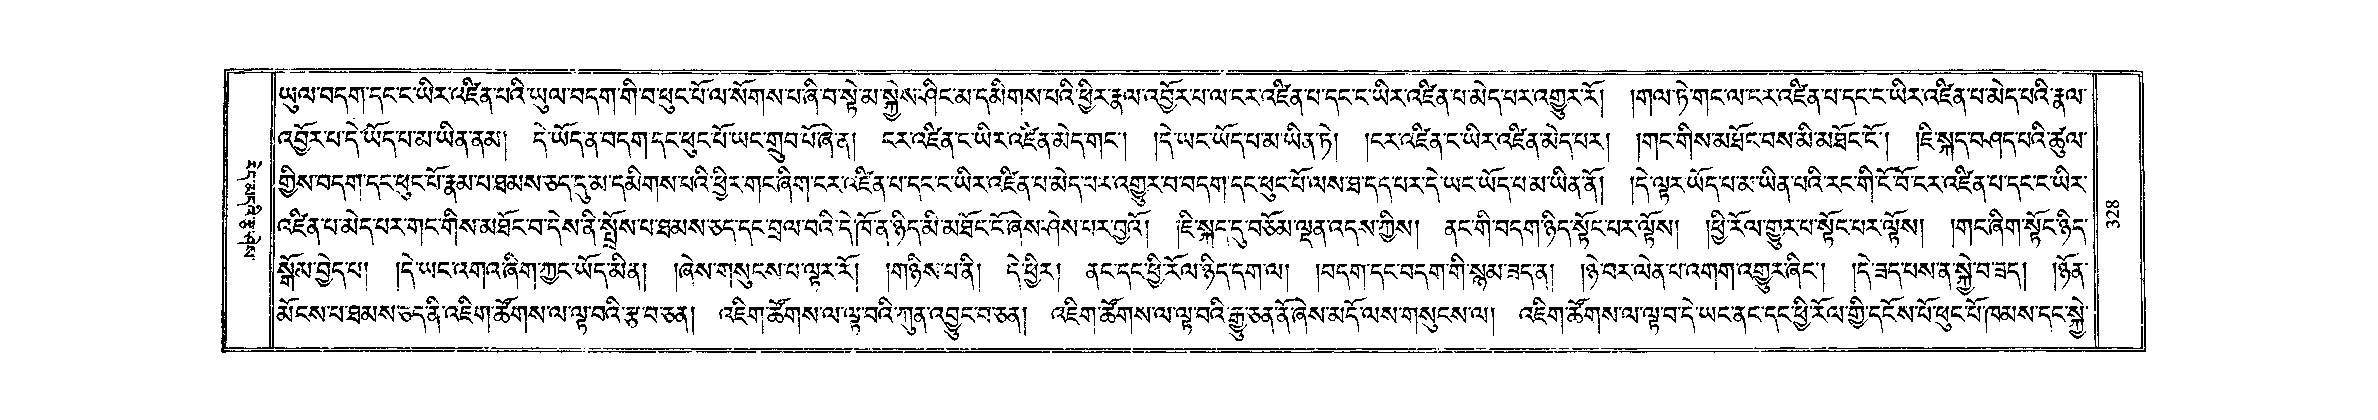ཡུལ་བདག་དང་ང་ཡིར་འཛིན་པའི་ཡུལ་བདག་གི་བ་ཕུང་པོ་ལ་སོགས་པ་ཞི་བ་སྟེ་མ་སྐྱེས་ཤིང་མ་དམིགས་པའི་ཕྱིར་རྣལ་འབྱོར་པ་ལ་ངར་འཛིན་པ་དང་ང་ཡིར་འཛིན་པ་མེད་པར་འགྱུར་རོ། །གལ་ཏེ་གང་ལ་ངར་འཛིན་པ་དང་ང་ཡིར་འཛིན་པ་མེད་པའི་རྣལ་
འབྱོར་པ་དེ་ཡོད་པ་མ་ཡིན་ནམ། དེ་ཡོད་ན་བདག་དང་ཕུང་པོ་ཡང་གྲུབ་པོ་ཞེ་ན། ངར་འཛིན་ང་ཡིར་འཛིན་མེད་གང་། །དེ་ཡང་ཡོད་པ་མ་ཡིན་ཏེ། །ངར་འཛིན་ང་ཡིར་འཛིན་མེད་པར། །གང་གིས་མཐོང་བས་མི་མཐོང་ངོ། །ཇི་སྐད་བཤད་པའི་ཚུལ་
གྱིས་བདག་དང་ཕུང་པོ་རྣམ་པ་ཐམས་ཅད་དུ་མ་དམིགས་པའི་ཕྱིར་གང་ཞིག་ངར་འཛིན་པ་དང་ང་ཡིར་འཛིན་པ་མེད་པར་འགྱུར་བ་བདག་དང་ཕུང་པོ་ལས་ཐ་དད་པར་དེ་ཡང་ཡོད་པ་མ་ཡིན་ནོ། །དེ་ལྟར་ཡོད་པ་མ་ཡིན་པའི་རང་གི་ངོ་བོ་ངར་འཛིན་པ་དང་ང་ཡིར་
འཛིན་པ་མེད་པར་གང་གིས་མཐོང་བ་དེས་ནི་སྤྲོས་པ་ཐམས་ཅད་དང་བྲལ་བའི་དེ་ཁོ་ན་ཉིད་མི་མཐོང་ངོ་ཞེས་ཤེས་པར་བྱའོ། །ཇི་སྐད་དུ་བཅོམ་ལྡན་འདས་ཀྱིས། ནང་གི་བདག་ཉིད་སྟོང་པར་ལྟོས། །ཕྱི་རོལ་གྱུར་པ་སྟོང་པར་ལྟོས། །གང་ཞིག་སྟོང་ཉིད་
སྒོམ་བྱེད་པ། །དེ་ཡང་འགའ་ཞིག་ཀྱང་ཡོད་མིན། །ཞེས་གསུངས་པ་ལྟར་རོ། །གཉིས་པ་ནི། དེ་ཕྱིར། ནང་དང་ཕྱི་རོལ་ཉིད་དག་ལ། །བདག་དང་བདག་གི་སྙམ་ཟད་ན། །ཉེ་བར་ལེན་པ་འགག་འགྱུར་ཞིང་། །དེ་ཟད་པས་ན་སྐྱེ་བ་ཟད། །ཉོན་
མོངས་པ་ཐམས་ཅད་ནི་འཇིག་ཚོགས་ལ་ལྟ་བའི་རྩ་བ་ཅན། འཇིག་ཚོགས་ལ་ལྟ་བའི་ཀུན་འབྱུང་བ་ཅན། འཇིག་ཚོགས་ལ་ལྟ་བའི་རྒྱུ་ཅན་ནོ་ཞེས་མདོ་ལས་གསུངས་ལ། འཇིག་ཚོགས་ལ་ལྟ་བ་དེ་ཡང་ནང་དང་ཕྱི་རོལ་གྱི་དངོས་པོ་ཕུང་པོ་ཁམས་དང་སྐྱེ་